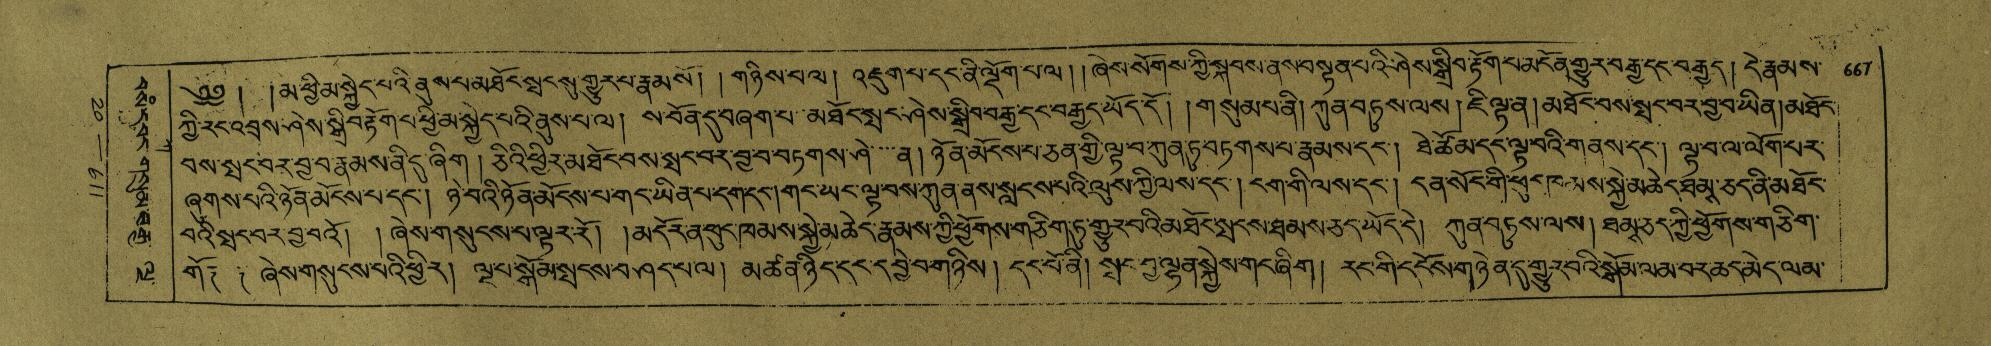༄༅། །མ་ཕྱི་མ་སྐྱེད་པའི་ནུས་པ་མཐོང་སྤངས་སུ་གྱུར་པ་རྣམ་སོ། །གཉིས་པ་ལ། འཇུག་པ་དང་ནི་ལྡོག་པ་ལ། །ཞེས་སོགས་ཀྱི་སྐབས་ནས་བསྟན་པའི་ཤེས་སྒྲིབ་རྟོག་པ་མངོན་གྱུར་བརྒྱ་དང་བརྒྱད། དེ་རྣམས་
ཀྱི་རང་འབྲས་ཤེས་སྒྲིབ་རྟོག་པ་ཕྱི་མ་སྐྱེད་པའི་ནུས་པ་ལ། ས་བོན་དུ་བཞག་པ་མཐོང་སྤང་ཤེས་སྒྲིབ་བརྒྱ་དང་བརྒྱད་ཡོད་དོ། །གསུམ་པ་ནི། ཀུན་བཏུས་ལས། ཇི་ལྟ་ན། མཐོང་བས་སྤང་བར་བྱ་བ་ཡིན། མཐོང་
བས་སྤང་བར་བྱ་བ་རྣམས་ནི་དུ་ཞིག །ཅིའི་ཕྱིར་མཐོང་བས་སྤང་བར་བྱ་བ་བཏགས་ཤེ་ན། ཉོན་མོངས་པ་ཅན་གྱི་ལྟ་བ་ཀུན་ཏུ་བཏགས་པ་རྣམས་དང་། ཐེ་ཚོམ་དང་ལྟ་བའི་གནས་དང་། ལྟ་བ་ལ་ལོག་པར་
ཞུགས་པའི་ཉོན་མོངས་པ་དང་། ཉེ་བའི་ཉོན་མོངས་པ་གང་ཡིན་པ་དག་དང་། གང་ཡང་ལྟ་བས་ཀུན་ནས་སླངས་པའི་ལུས་ཀྱི་ལས་དང་། ངག་གི་ལས་དང་། ངན་སོང་གི་ཕུང་ཁམས་སྐྱེ་མཆེད་ཐམས་ཅད་ནི་མཐོང་
བའི་སྤང་བར་བྱ་བའོ། །ཞེས་གསུངས་པ་ལྟར་རོ། །མདོར་ན་ཕུང་ཁམས་སྐྱེ་མཆེད་རྣམས་ཀྱི་ཕྱོགས་གཅིག་ཏུ་གྱུར་བའི་མཐོང་སྤངས་ཐམས་ཅད་ཡོད་དེ། ཀུན་བཏུས་ལས། ཐམས་ཅད་ཀྱི་ཕྱོགས་གཅིག་
གོ༑ ༑ཞེས་གསུངས་པའི་ཕྱིར། ལྔ་པ་སྒོམ་སྤངས་བཤད་པ་ལ། མཚན་ཉིད་དང་དབྱེ་བ་གཉིས། དང་པོ་ནི། སྤང་བྱ་ལྷན་སྐྱེས་གང་ཞིག། རང་གི་དངོས་གཉེན་དུ་གྱུར་བའི་སྒོམ་ལམ་བར་ཆད་མེད་ལམ་